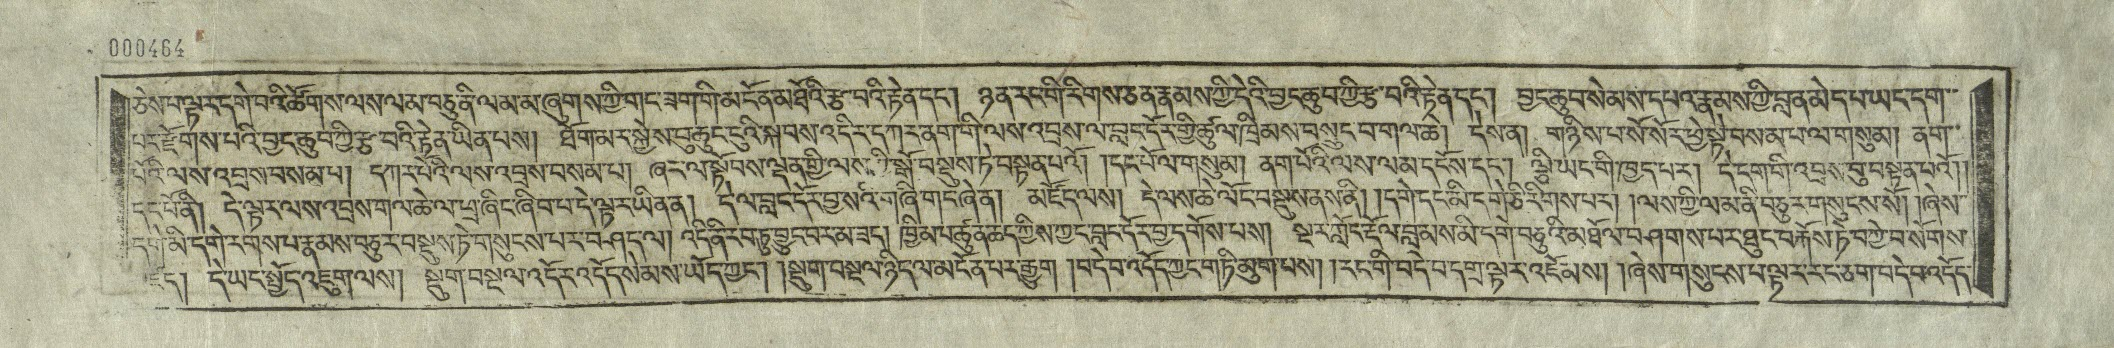ཅེས་པ་ལྟར་དགེ་བའི་ཚོགས་ལས་ལམ་བཅུ་ནི་ལམ་མ་ཞུགས་ཀྱི་གང་ཟག་གི་མངོན་མཐོའི་རྩ་བའི་རྟེན་དང་། ཉན་རང་གི་རིགས་ཅན་རྣམས་ཀྱི་དེའི་བྱང་ཆུབ་ཀྱི་རྩ་བའི་རྟེན་དང་། བྱང་ཆུབ་སེམས་དཔའ་རྣམས་ཀྱི་བླ་ན་མེད་པ་ཡང་དག་
པར་རྫོགས་པའི་བྱང་ཆུབ་ཀྱི་རྩ་བའི་རྟེན་ཡིན་པས། ཐོག་མར་སྐྱེས་བུ་ཆུང་ངུའི་སྐབས་འདིར་དཀར་ནག་གི་ལས་འབྲས་ལ་བླང་དོར་གྱི་ཚུལ་ཁྲིམས་བསྲུང་བ་གལ་ཆེ། དེས་ན། གཉིས་པ་སོ་སོར་ཕྱེ་སྟེ་བསམ་པ་ལ་གསུམ། ནག་
པོའི་ལས་འབྲས་བསམ་པ། དཀར་པོའི་ལས་འབྲས་བསམ་པ། ཞར་ལ་སྟོབས་ལྡན་གྱི་ལས་ཀྱི་སྒོ་བསྡུས་ཏེ་བསྟན་པའོ། །དང་པོ་ལ་གསུམ། ནག་པོའི་ལས་ལམ་དངོས་དང་། ལྕི་ཡང་གི་ཁྱད་པར། དེ་དག་གི་འབྲས་བུ་བསྟན་པའོ། །
དང་པོ་ནི། དེ་ལྟར་ལས་འབྲས་གལ་ཆེ་ལ་ཕྲ་ཞིང་ཞིབ་པ་དེ་ལྟར་ཡིན་ན། དེ་ལ་བླང་དོར་བྱ་སའི་གཞི་གང་ཞེ་ན། མཛོད་ལས། དེ་ལས་ཆེ་ལོང་བསྡུས་ནས་ནི། །དགེ་དང་མི་དགེ་ཅི་རིགས་པར། །ལས་ཀྱི་ལམ་ནི་བཅུར་གསུངས་སོ། །ཞེས་
དགེ་མི་དགེ་རགས་པ་རྣམས་བཅུར་བསྡུས་ཏེ་གསུངས་པར་བཤད་ལ། འདི་ནི་རབ་ཏུ་བྱུང་བར་མ་ཟད། ཁྱིམ་པ་ཚུན་ཆད་ཀྱིས་ཀྱང་བླང་དོར་བྱ་དགོས་པས། སྔར་ཀློང་རྡོལ་བླ་མས་མི་དགེ་བཅུའི་མཐོལ་བཤགས་པར་ཐུང་བརྐོས་ཏེ་བཀྱེ་བ་སོགས་
མཛད། དེ་ཡང་སྤྱོད་འཇུག་ལས། སྡུག་བསྔལ་འདོར་འདོད་སེམས་ཡོད་ཀྱང་། །སྡུག་བསྔལ་ཉིད་ལ་མངོན་པར་རྒྱུག །བདེ་བ་འདོད་ཀྱང་གཏི་མུག་པས། །རང་གི་བདེ་བ་དགྲ་ལྟར་འཇོམས། །ཞེས་གསུངས་པ་ལྟར་རང་ཅག་བདེ་བ་འདོད་